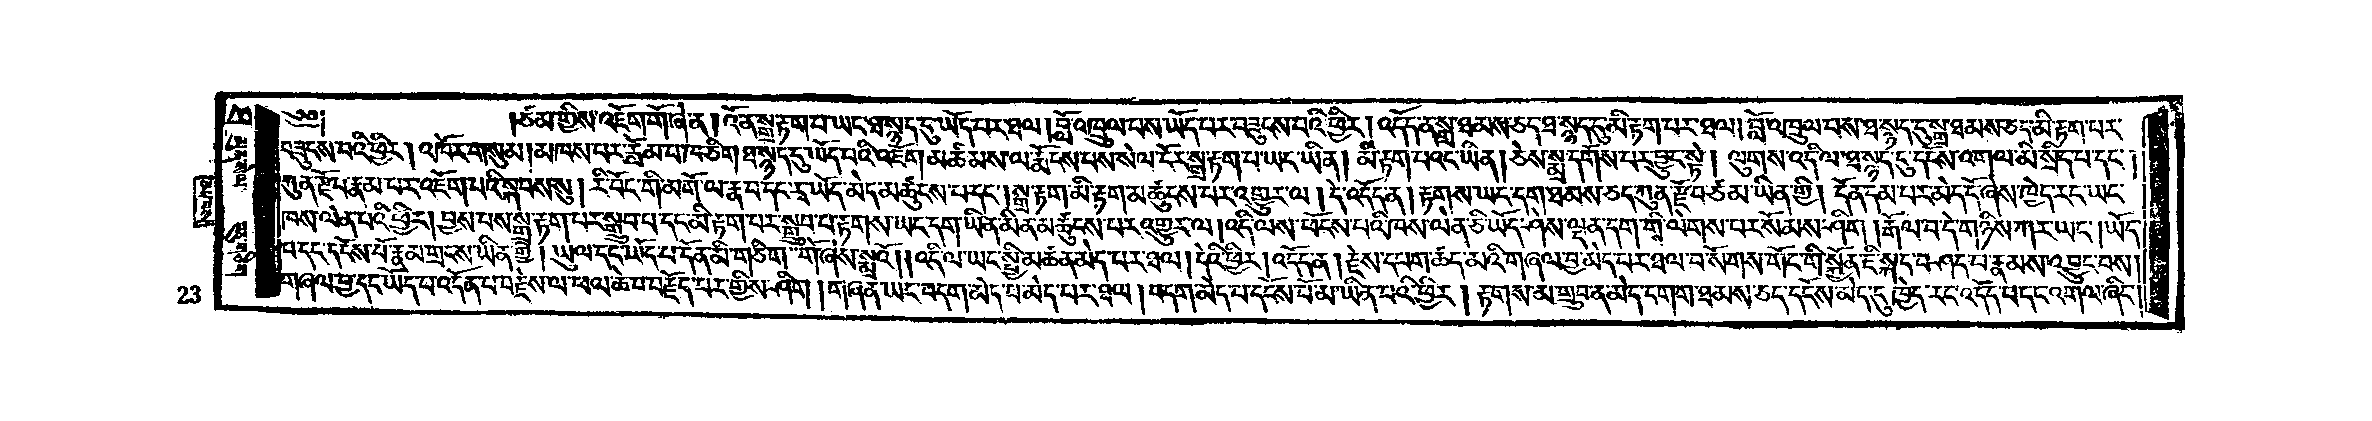༄༅། །ཙམ་གྱིས་འཇོག་གོ་ཞེ་ན། འོ་ན་སྒྲ་རྟག་པ་ཡང་ཐ་སྙད་དུ་ཡོད་པར་ཐལ། བློ་འཁྲུལ་པས་ཡོད་པར་བཟུངས་པའི་ཕྱིར། འདོད་ན་སྒྲ་ཐམས་ཅད་ཐ་སྙད་དུ་མི་རྟག་པར་ཐལ། བློ་འཁྲུལ་པས་ཐ་སྙད་དུ་སྐྲ་ཐམས་ཅད་མི་རྟག་པར་
བཟུངས་པའི་ཕྱིར། འཁོར་གསུམ། མཁས་པར་རློམ་པ་ཁ་ཅིག་ཐ་སྙད་དུ་ཡོད་པའི་འཇོག་མཚམས་ལ་རྨོངས་པས་སེལ་ངོར་སྒྲ་རྟག་པ་ཡང་ཡིན། མི་རྟག་པའང་ཡིན། ཅེས་སྨྲ་དགོས་པར་བྱུང་སྟེ། ལུགས་འདི་ལ་ཐ་སྙད་དུ་དངོས་འགལ་མི་སྲིད་པ་དང་།
ཀུན་རྫོབ་རྣམ་པར་འཇོག་པའི་སྐབས་སུ། རི་བོང་གི་མགོ་ལ་རྣ་བ་དང་རྭ་ཡོད་མེད་མཚུངས་པ་དང་། སྒྲ་རྟག་མི་རྟག་མཚུངས་པར་འགྱུར་ལ། དེ་འདོད་ན། རྟགས་ཡང་དག་ཐམས་ཅད་ཀུན་རྫོབ་ཙམ་ཡིན་གྱི། དོན་དམ་པར་མེད་དོ་ཞེས་ཁྱེད་རང་ཡང་
ཁས་ལེན་པའི་ཕྱིར། བྱས་པས་སྒྲ་རྟག་པར་སྒྲུབ་པ་དང་མི་རྟག་པར་སྒྲུབ་པ་རྟགས་ཡང་དག་ཡིན་མིན་མཚུངས་པར་འགྱུར་ལ། འདི་ལས་ཕོངས་པའི་ཁས་ལེན་ཅི་ཡོད་ཤེས་ལྡན་དག་གིས་ལེགས་པར་སོམས་ཤིག །རྒོལ་བ་དེ་གཉིས་ཀར་ཡང་། ཡོད་
པ་དང་དངོས་པོ་རྣམ་གྲངས་ཡིན་གྱི། ཡུལ་དང་ཡོད་པ་དོན་མི་གཅིག་གོ་ཞེས་སྨྲའོ། །འདི་ལ་ཡང་སྤྱི་མཚན་མེད་པར་ཐལ། དེའི་ཕྱིར། འདོད་ན། རྗེས་དཔག་ཚད་མའི་གཞལ་བྱ་མེད་པར་ཐལ་བ་སོགས་གོང་གི་སྐྱོན་ཇི་སྐད་བཤད་པ་རྣམས་འབྱུང་བས།
གཞལ་བྱ་དང་ཡོད་པ་འདོན་པ་བརྗེས་ལ་ཕལ་ཆེ་བ་བརྗོད་པར་གྱིས་ཤིག །གཞན་ཡང་བདག་མེད་པ་མེད་པར་ཐལ། བདག་མེད་པ་དངོས་པོ་མ་ཡིན་པའི་ཕྱིར། རྟགས་མ་གྲུབ་ན་མེད་དགག་ཐམས་ཅད་དངོས་མེད་དུ་ཁྱེད་རང་འདོད་པ་དང་འགལ་ཞིང་།